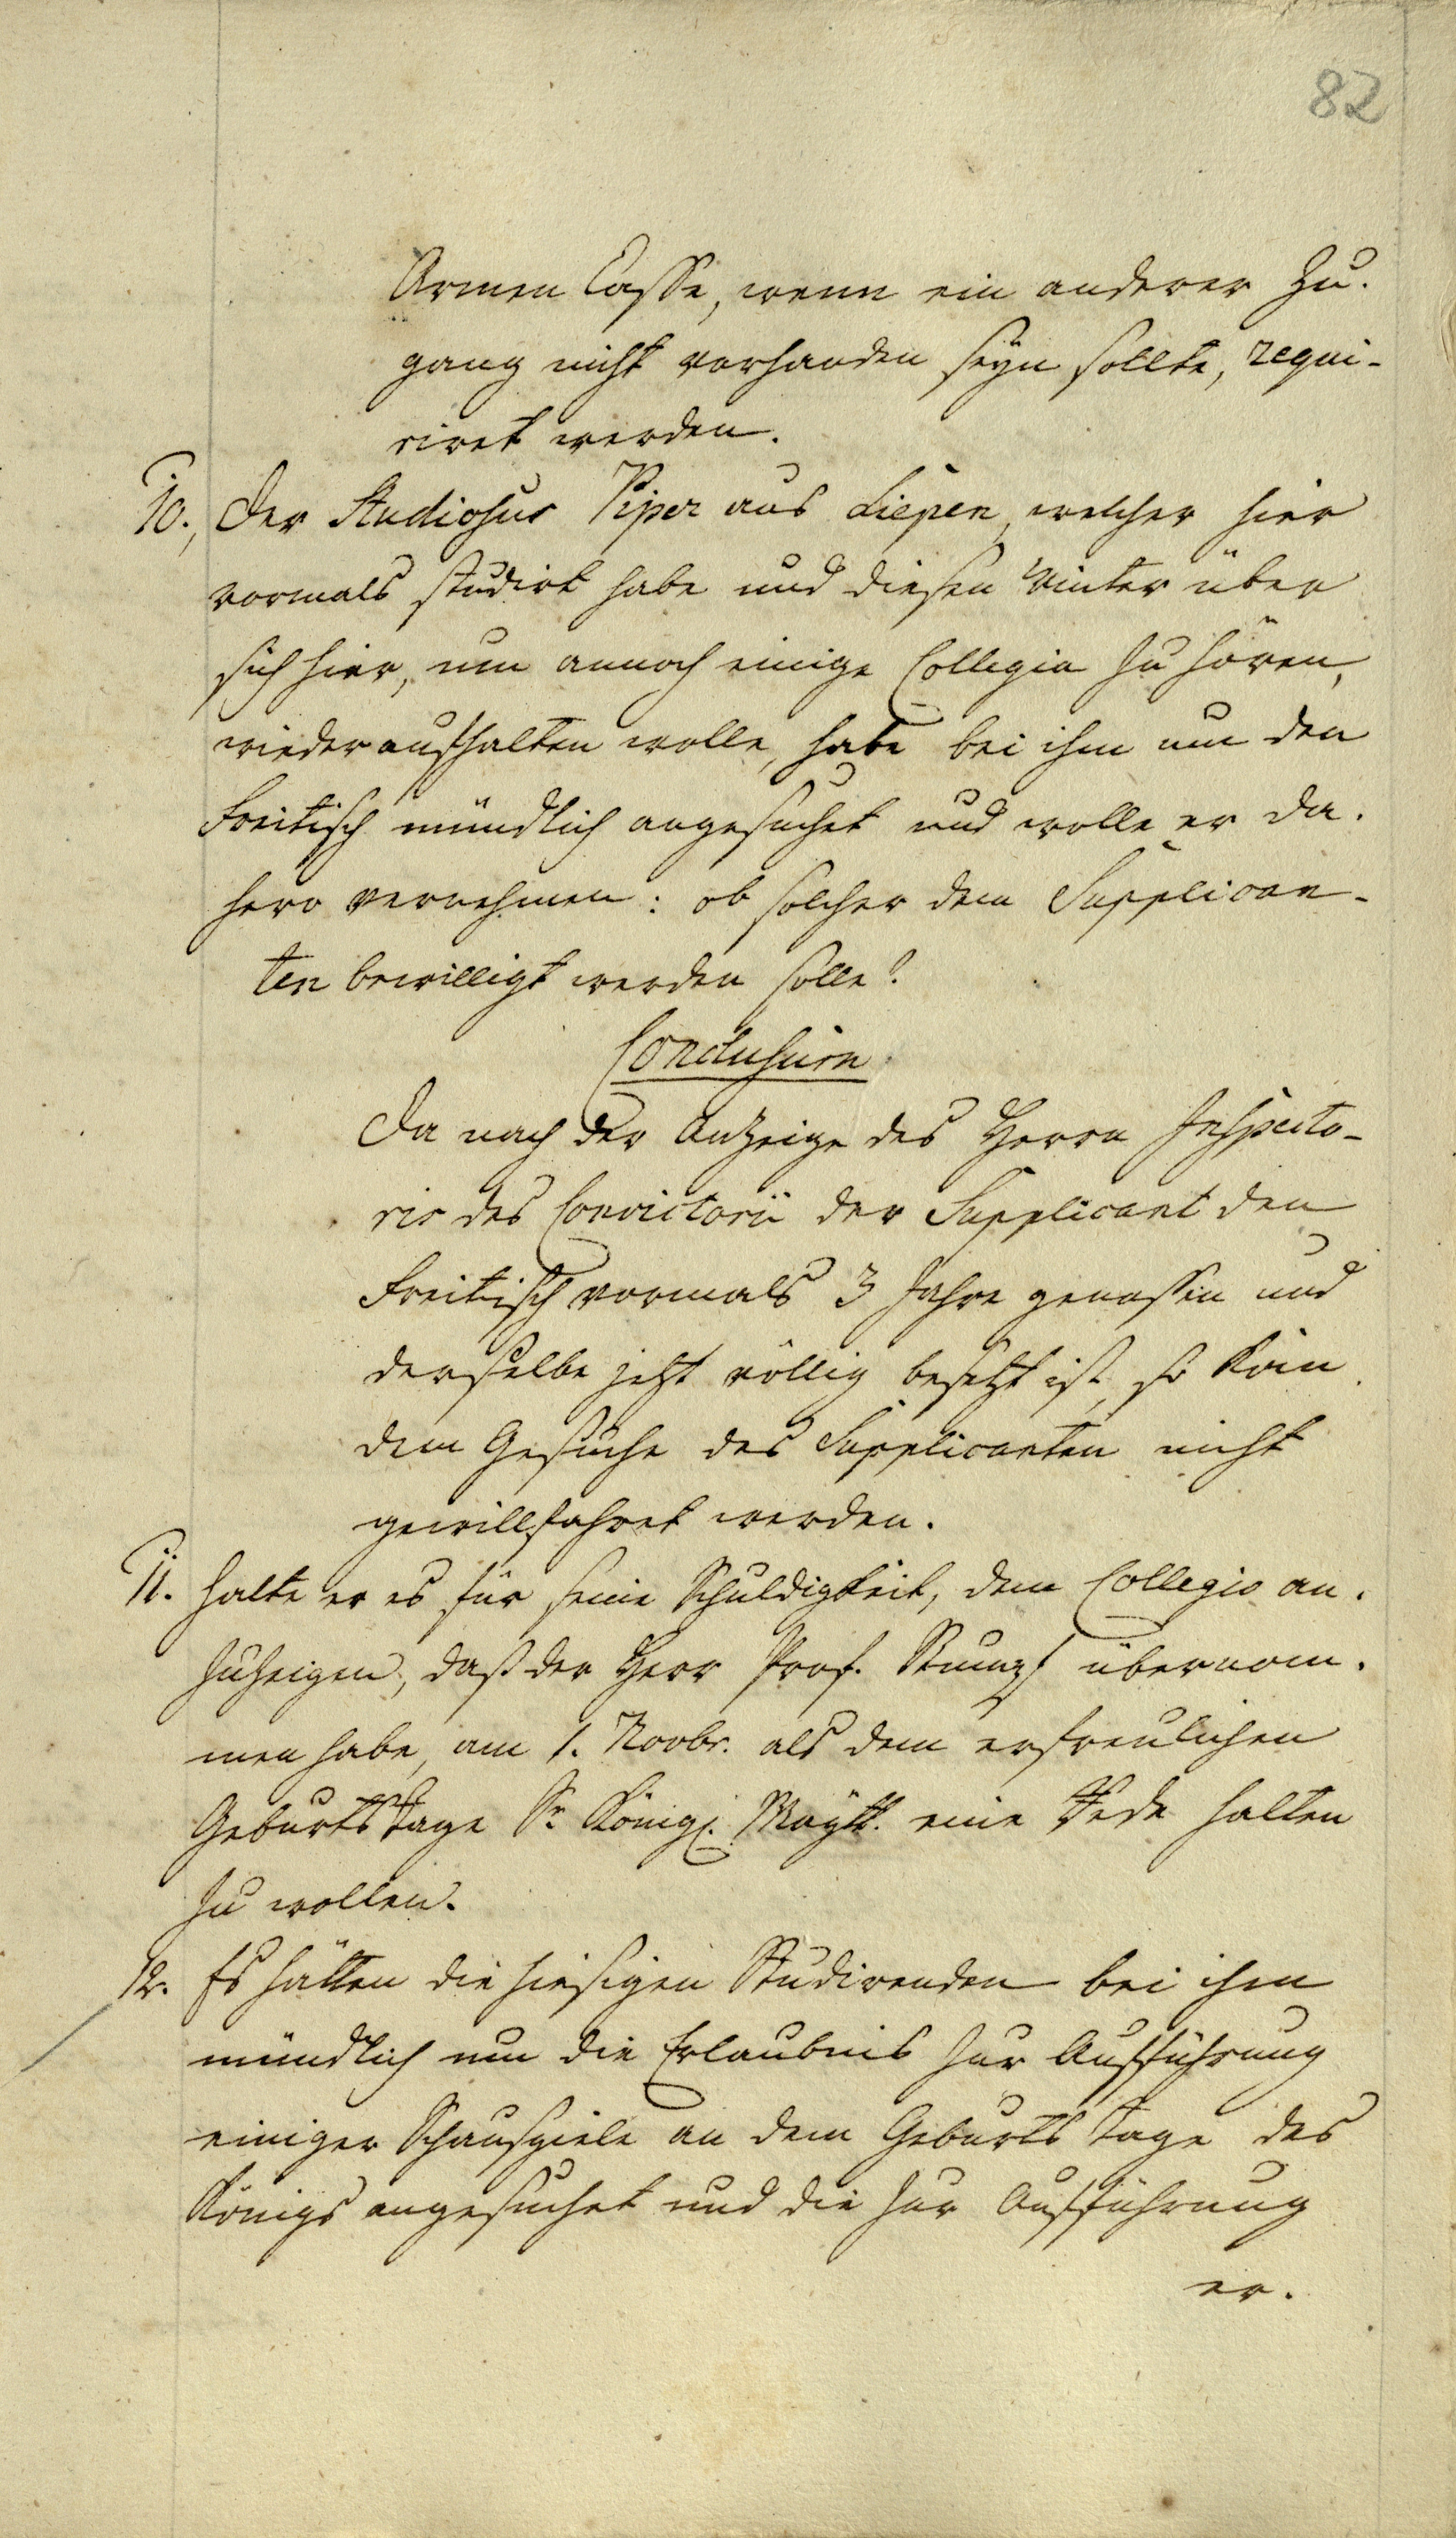Armen Casse, wenn ein anderer Zu¬
gang nicht vorhanden seÿn sollte, requi¬
riret werden.
10. Der Studiosus Piper aus Liepen, welcher hier
vormals studirt habe und diesen Winter über
sich hier, um annoch einige Collegio zu hören,
wieder aufhalten wolle, habe bei ihm um den
Freitisch mündlich angesuchet und wolle er da¬
hero vernehmen : ob solcher dem Supplican¬
ten bewilligt werden solle?
Conclusum
Da nach der Anzeige des Herrn Inspecto¬
ris des Convictorii der Supplicant den
Freitisch vormals 3 Jahre genossen und
derselbe jetzt völlig besetzt ist, so kan
dem Gesuche des Supplicanten nicht
gewillfahret werden.
11. halte er es für seine Schuldigkeit, dem Collegio an¬
zuzeigen, daß der Herr Prof. Stumpf übernom¬
men habe, am 1. Novbr. als dem erfreulichen
GeburtsTage Sr Königl Maÿtt. eine Rede halten
zu wollen.
12. Es hätten die hiesigen Studirenden bei ihm
mündlich um die Erlaubnis zur Aufführung
einiger Schauspiele an dem Geburts Tage des
Königs angesuchet und die zur Aufführung
er¬